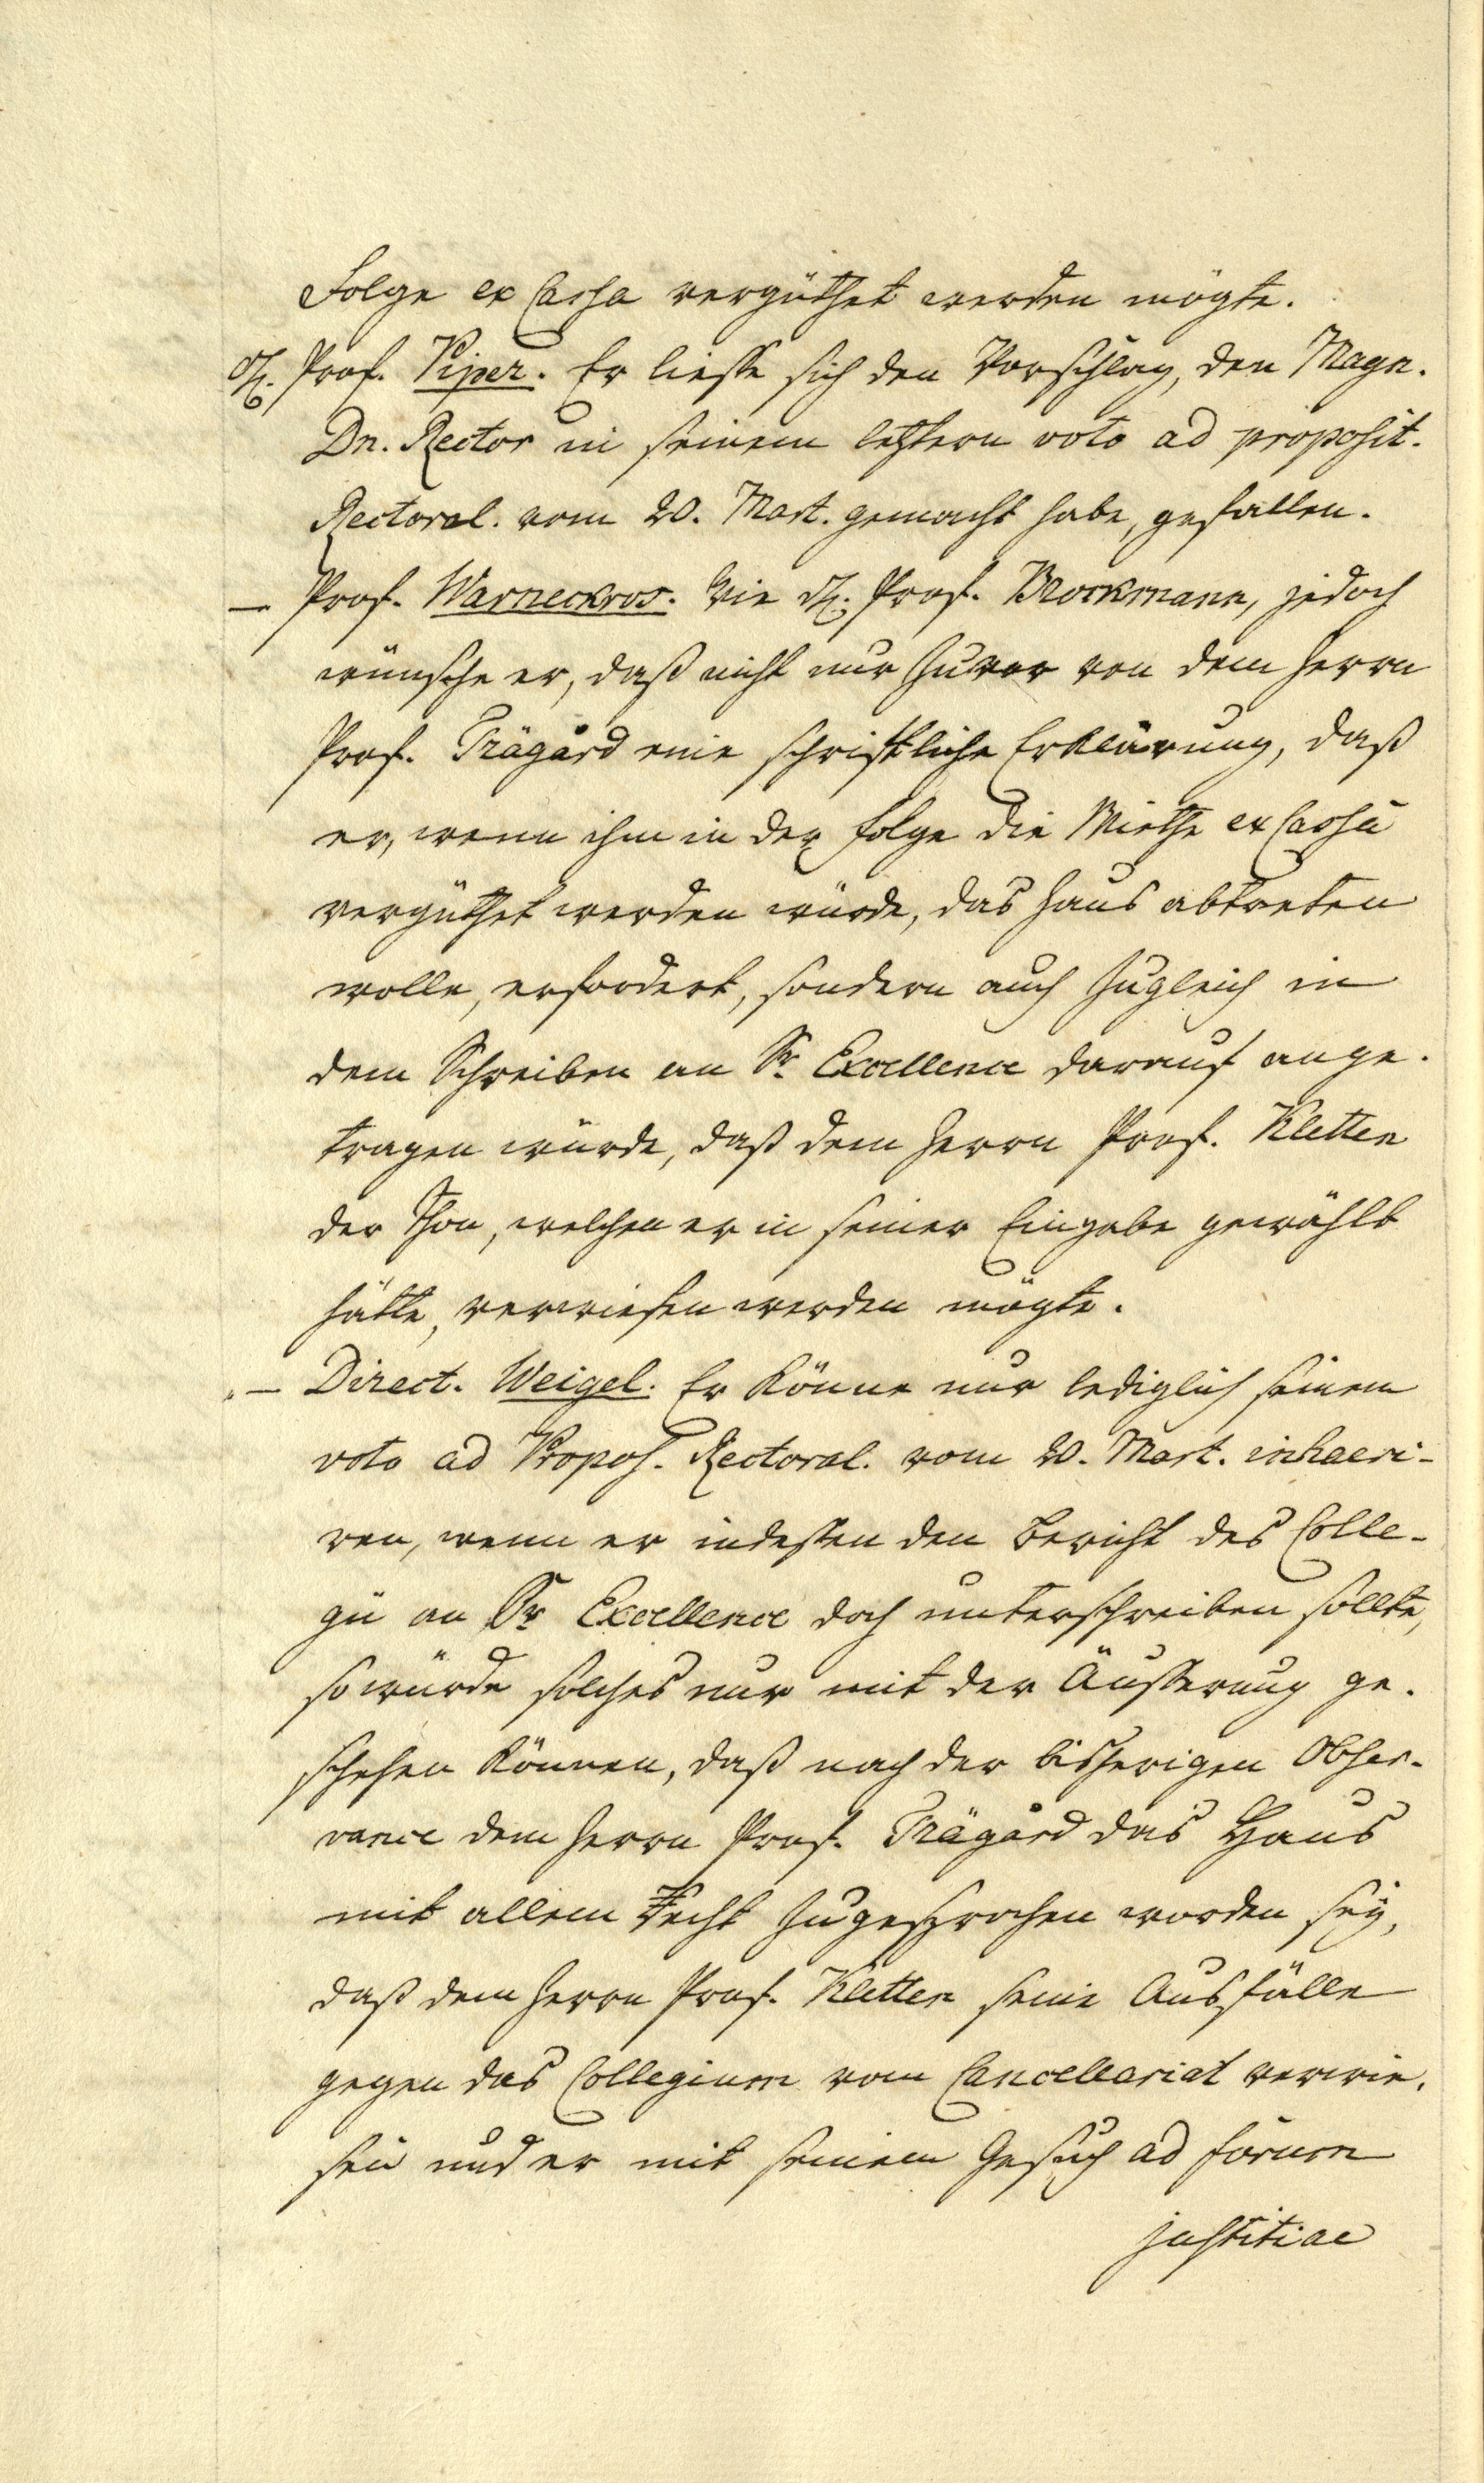Folge er Cassa vergüthet werden mögte.
dh. Prof. Piper. Er liesse sich den Vorschlag, den Magn.
Dn. Rector in seinem letztern voto ad proposit.
Rectoral. vom 20. Mart. gemacht habe, gefallen.
Prof. Warneckros. Wie dh. Prof. Brockmann, jedoch
wünsche er, daß nicht nur zuvor von dem Herrn
Prof. Trägård eine schriftliche Erklärung, daß
er, wenn ihm in der Folge die Miethe ex Cassa
vergüthet werden würde, das Haus abtreten
wolle, erfordert, sondern auch zugleich in
dem Schreiben an Sr Excellence darauf ange¬
tragen würde, daß dem Herrn Prof. Kletten
der Thon, welchen er in seiner Eingabe gewählt
hätte, verwiesen werden mögte.
Direct. Weigel. Er könne nur lediglich seinem
voto ad Propos. Rectoral. vom 20. Mart. inhaeri¬
ren, wenn er indessen den Bericht des Colle¬
gii an Sr Excellence doch unterschreiben sollte,
so würde solches nur mit der Äusserung ge¬
schehen können, daß nach der bisherigen Obser¬
vance dem Herrn Prof. Trägård das Haus
mit allem Recht zugesprochen worden seÿ,
daß dem Herrn Prof. Kletten seine Ausfälle
gegen das Collegium vom Cancellariat verwie¬
sen und er mit seinem Gesuch ad Forum
justitiae